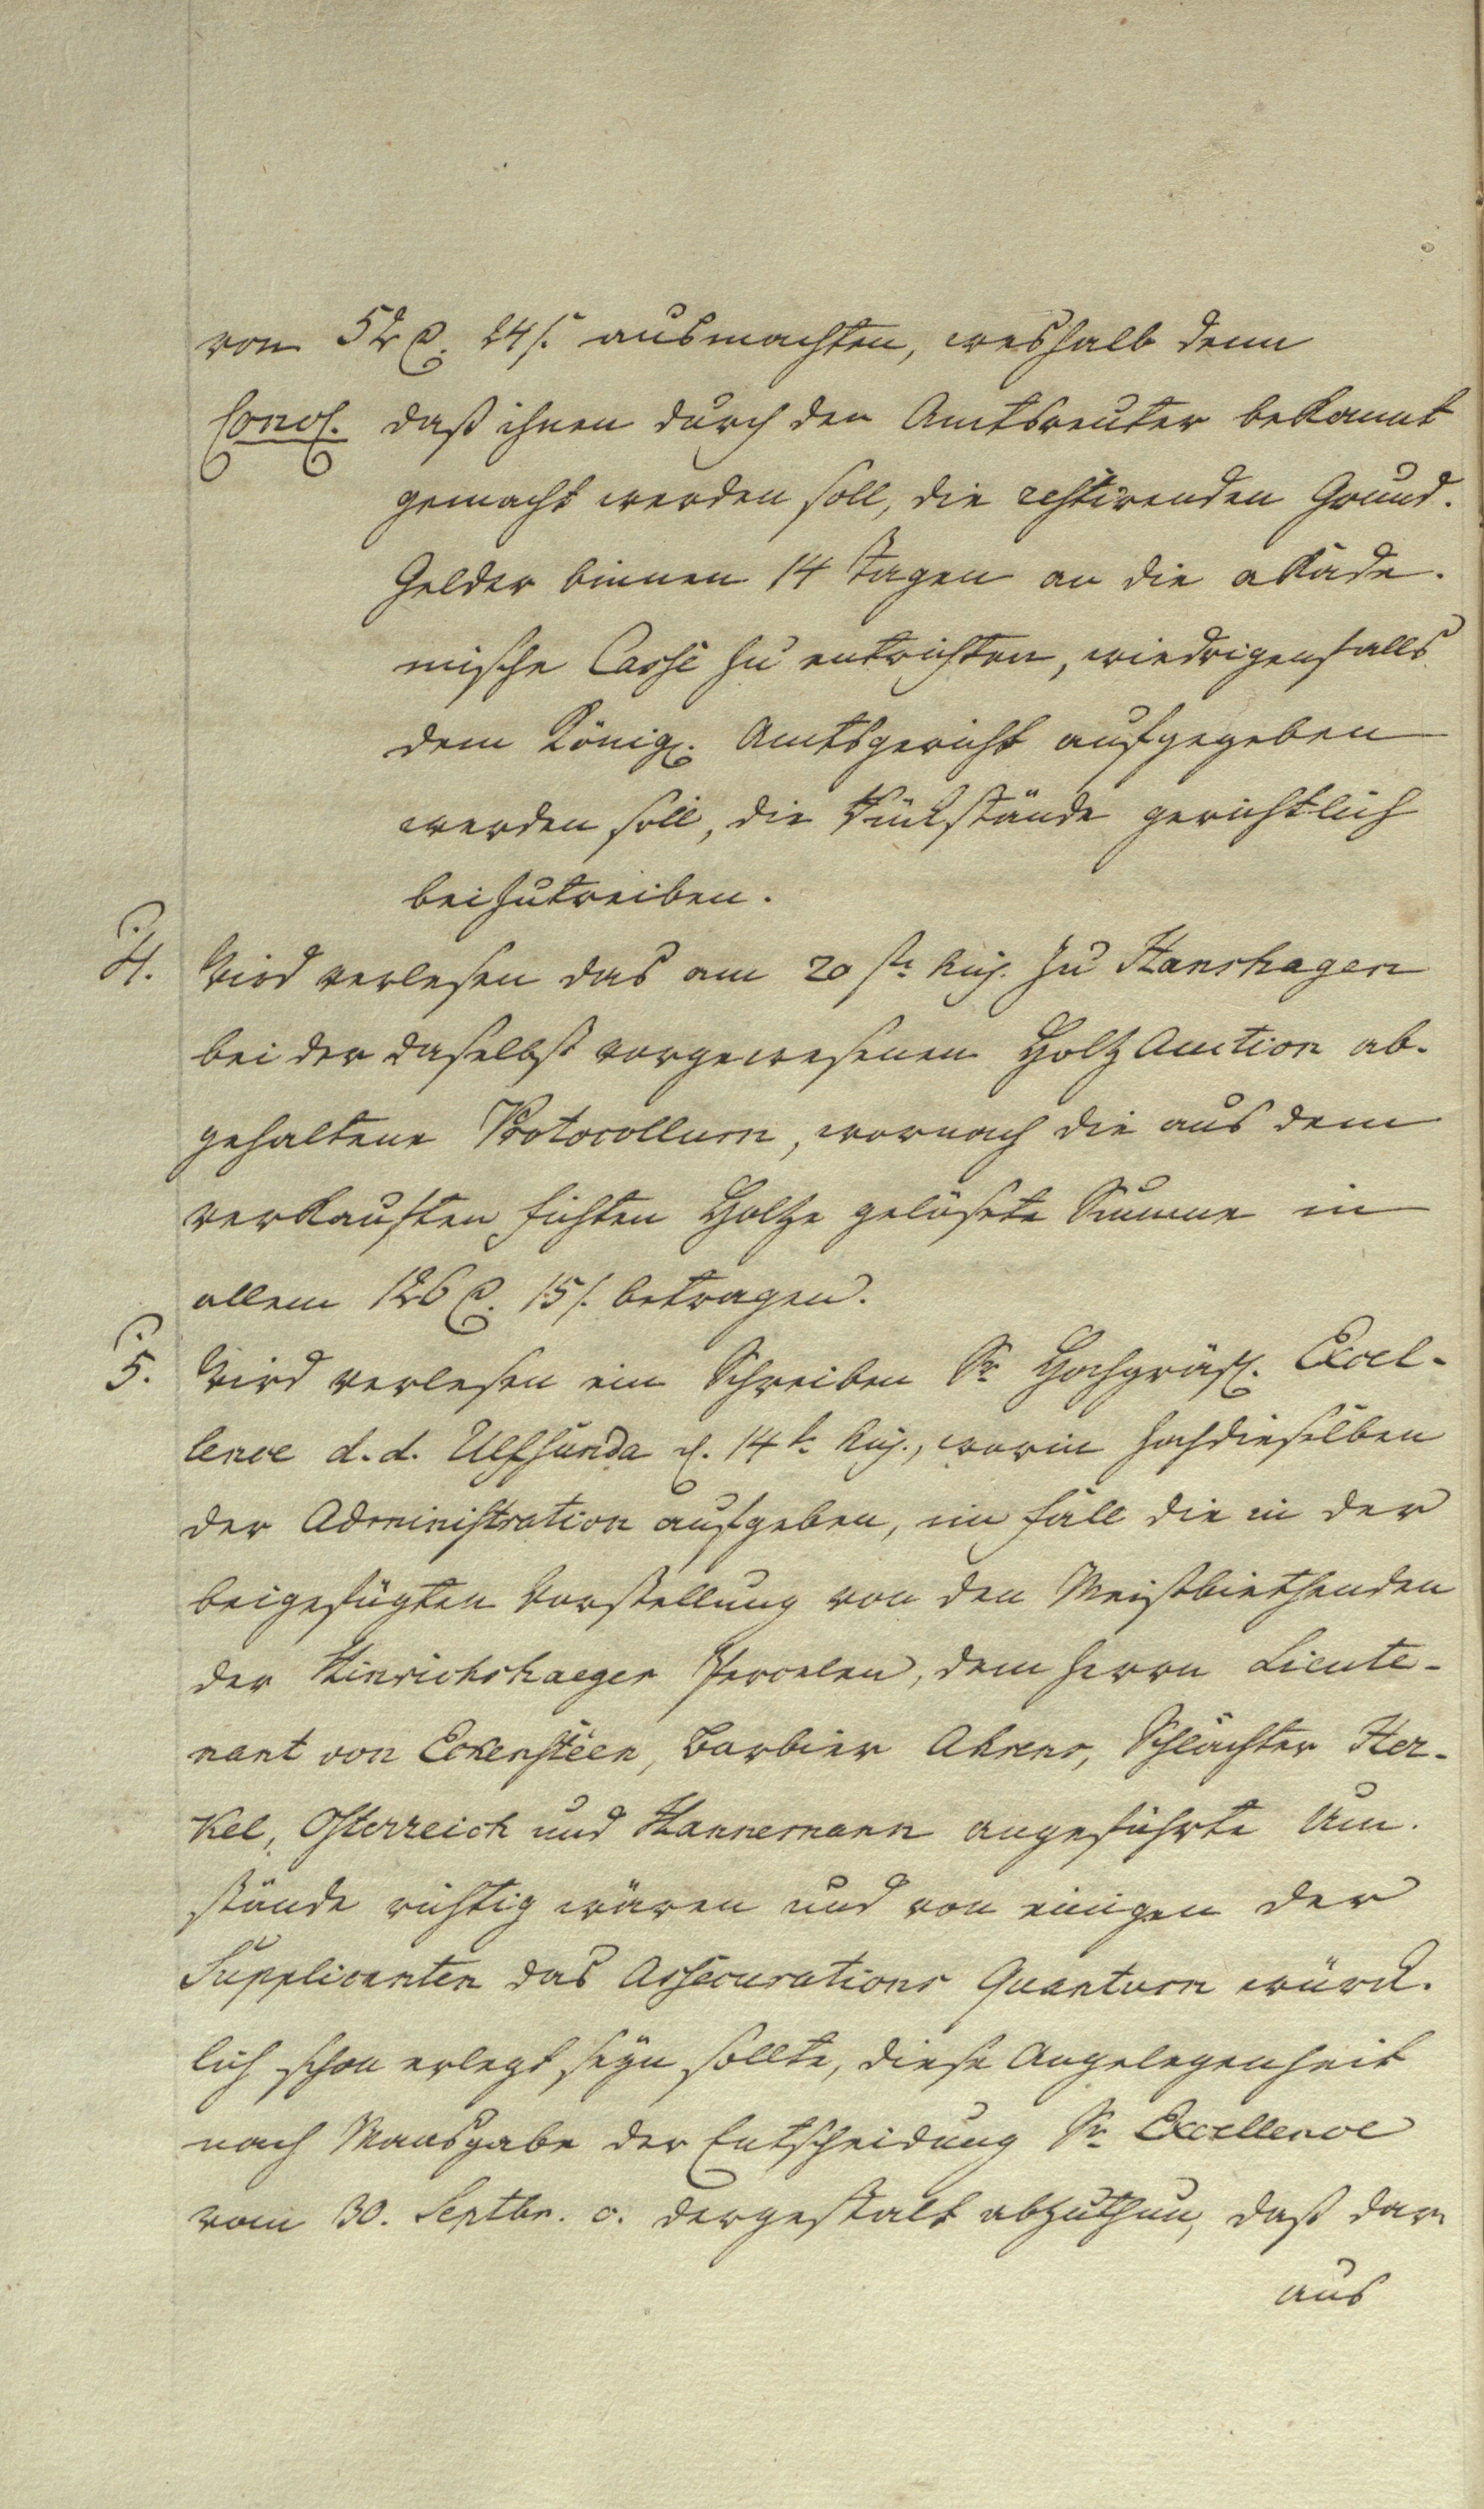von 52. l. 24 s. ausmachten, weshalb denn
Concl. daß ihnen durch den Amtreuter bekannt
gemacht werden soll, die restirenden Grund¬
Gelder binnen 14 Tagen an die akade¬
mische Casse zu entrichten, wiedrigenfalls
dem Königl. Amtsgericht aufgegeben
werden soll, die Rückstände gerichtlich
beizutreiben.
4. Wird verlesen das am 20 t huj. zu Hanshagen
bei der daselbst vorgewesenen Holz Auction ab¬
gehaltene Protocollum, wornach die aus dem
verkauften Fichten Holze gelösete Summe in
allem 125 l. 15 s. betragen.
5. Wird verlesen ein Schreiben Sr Hochgräfl. Excel¬
lence d. d. Ulfsunda d. 14 te huj. worin Hochdieselben
der Administration aufgeben, im Fall die in der
beigefügten Vorstellung von den Meistbiethenden
der Hinrichshaeger Percelen, dem Herrn Lieute¬
nant von Eckenstéen, Barbier Ahrens, Schlächter Her¬
kel, Osterreich und Hannemann angeführte Um¬
stände richtig wären und von einigen der
Supplicanten das Assecurations Quantum würck¬
lich schon erlegt seÿn sollte, diese Angelegenheit
nach Maasgabe der Entscheidung Sr Excellence
vom 30. Septbr. c. dergestalt abzuthun, daß dar¬
aus